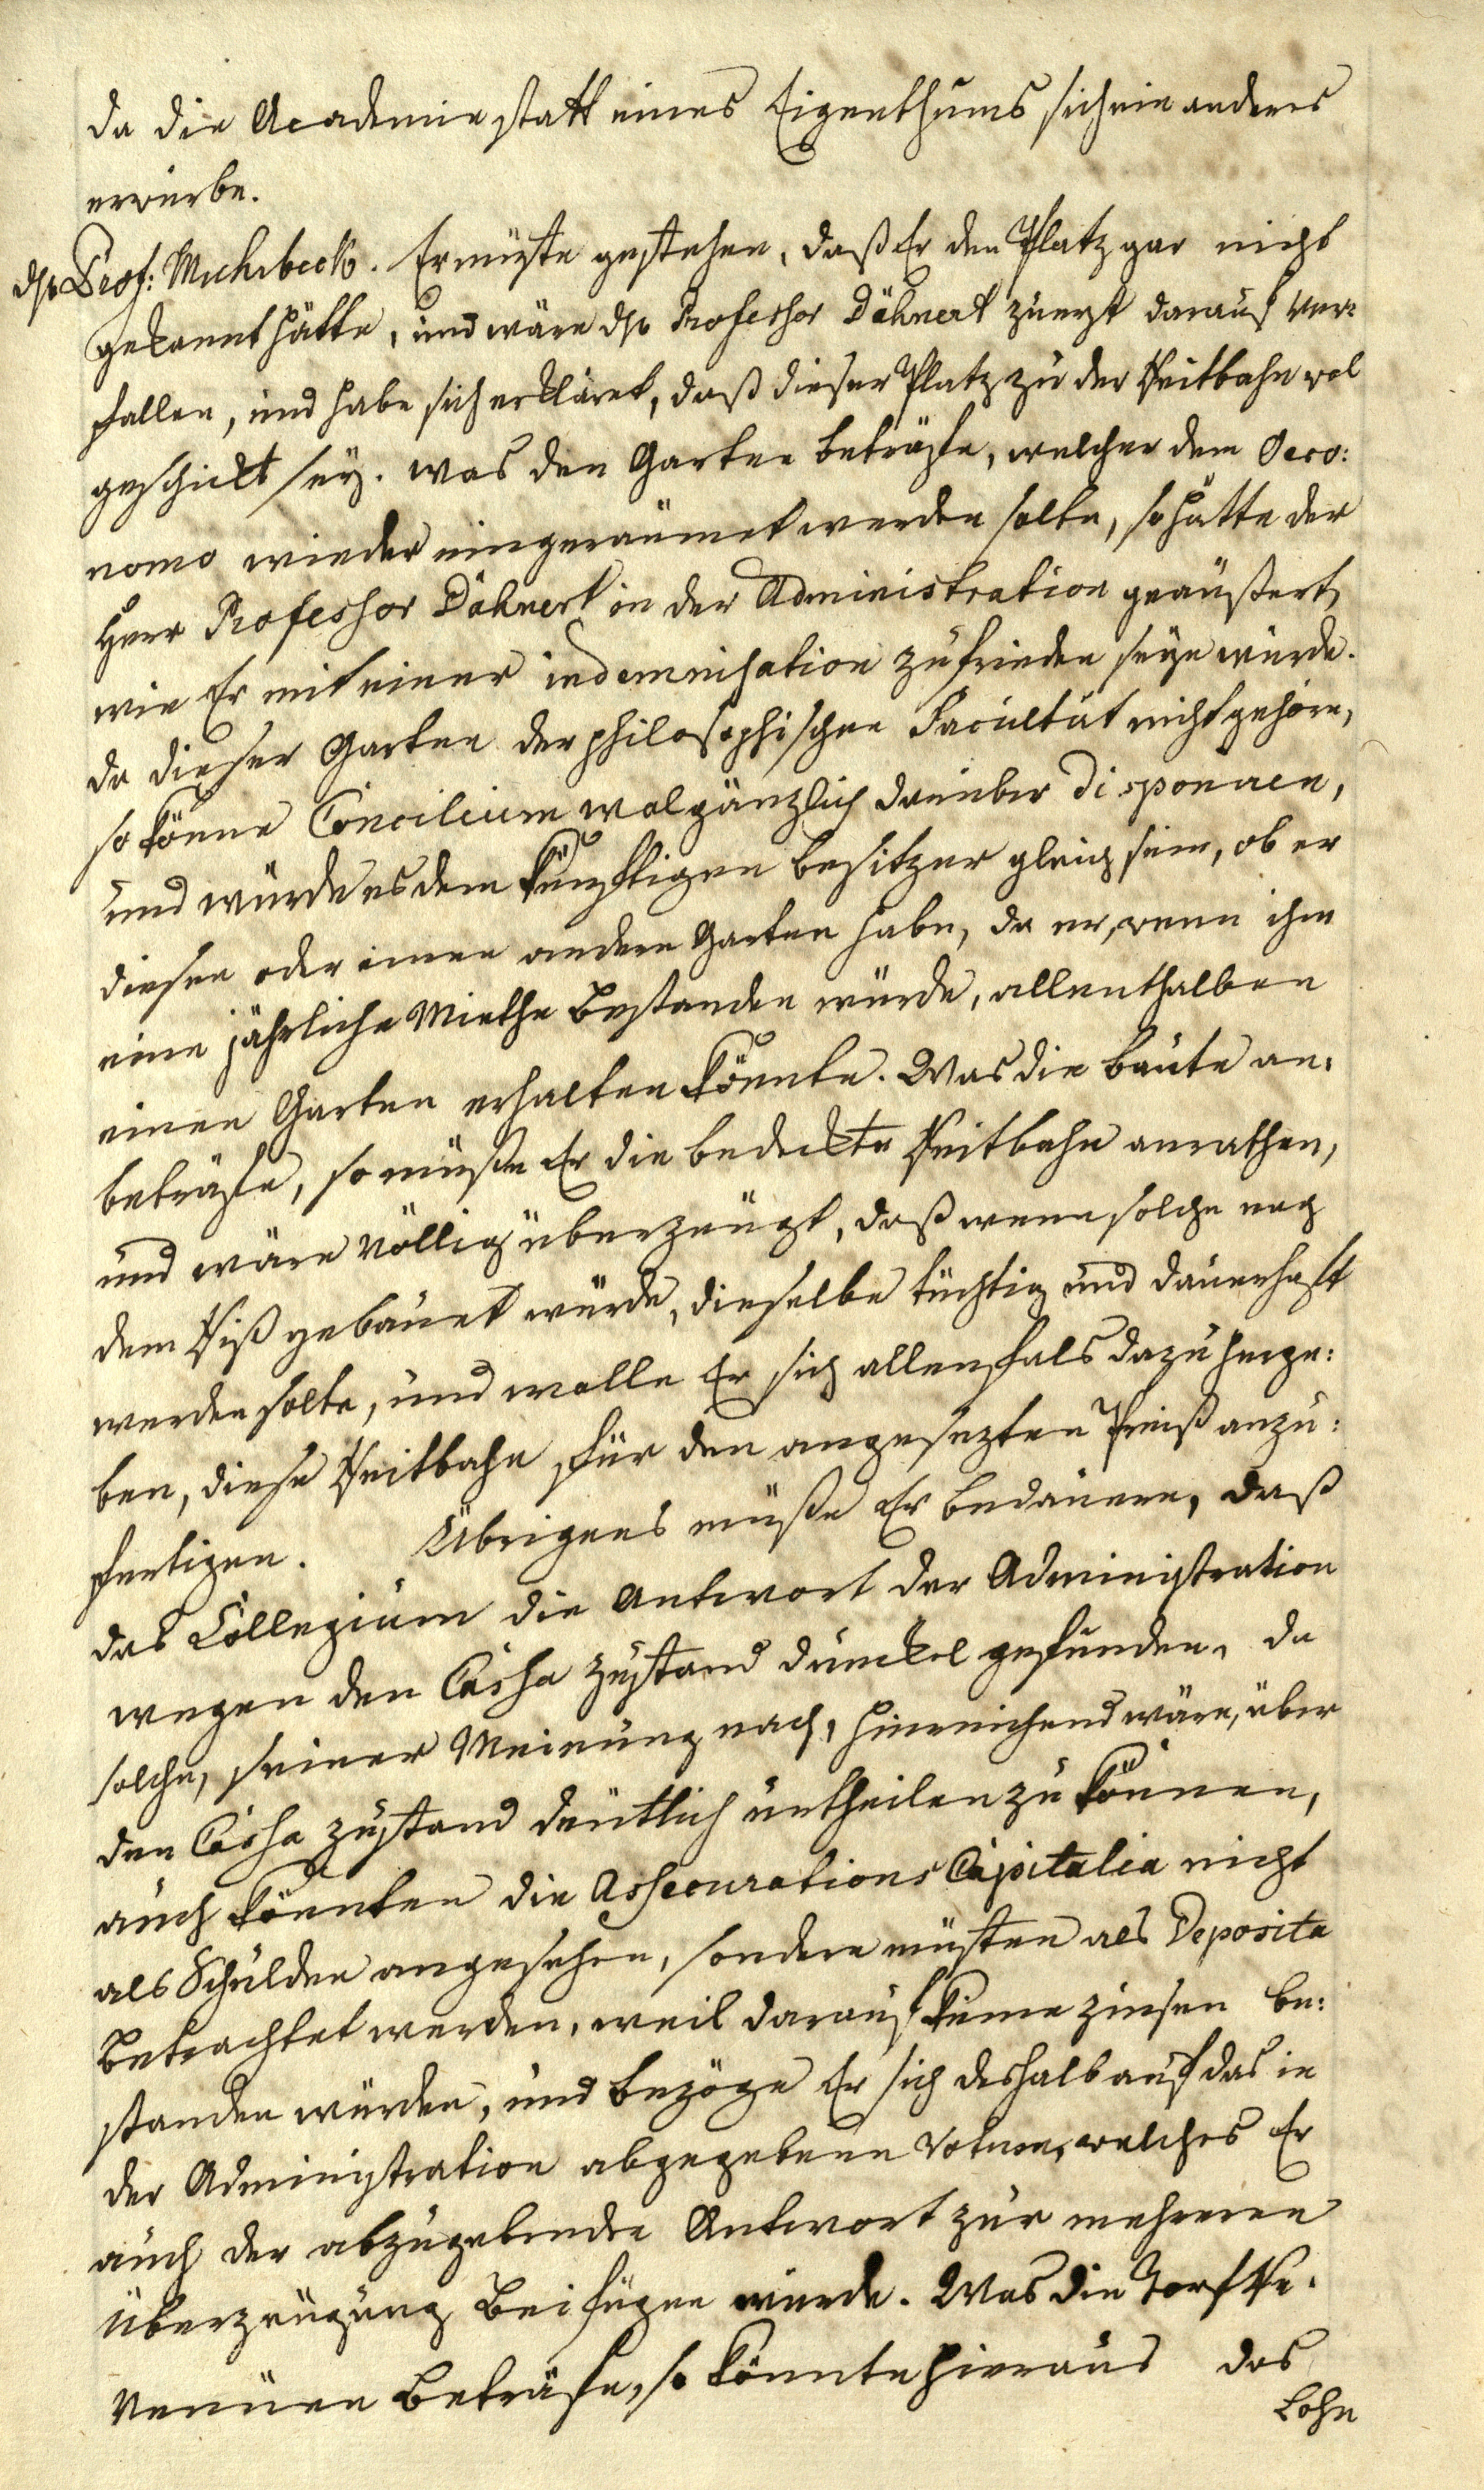da die Academie statt eines Eigenthums sich ein anderes
erwürbe.
dh. Prof. Muhrbeck. Er müste gestehen, daß Er den Platz gar nicht
gekannt hätte, und wäre dh Professor Dähnert zuerst darauf ver¬
fallen, und habe sich erkläret, daß dieser Platz zu der Reitbahn wol
geschickt seÿ. Was den Garten beträfe, welcher dem Oeco¬
nomo wieder eingeräumet werden solte, so hätte der
Herr Professor Dähnert in der Administration geäußert,
wie Er mit einer indemnisation zufrieden seÿn würde.
Da dieser Garten der philosophischen Facultät nicht gehöre,
so könne Concilium wol gänzlich darüber disponiren,
und würde es dem künftigen Besitzer gleich sein, ob er
diesen oder einen andern Garten habe, da , wenn ihm
eine jährliche Miethe bestanden würde, allenthalben
einen Garten erhalten könnte. Was die Baute an¬
beträfe, so müße Er die bedeckte Reitbahn anrathen,
und wäre völlig überzeugt, daß wenn solche nach
dem Riß gebauet würde, dieselbe tüchtig, und dauerhaft
werden solte, und wolle Er sich allenfals dazu herge¬
ben, diese Reitbahn für den angesezten Preis anzu¬
fertigen. Übrigens müße Er bedauern, daß
das Collegium die Antwort der Administration
wegen den Cassa zustand dunckel gefunden, da
solche, seiner Meinung nach, hinreichend wäre, über
den Cassa zustand deutlich urtheilen zu können,
auch könnten die Assecurations Capitalia nicht
als Schulden angesehen, sondern müsten als Deposita
betrachtet werden, weil darauf keine Zinsen be¬
standen würden, und bezöge Er sich deshalb auf das in
der Administration abgegebene Votum, welches Er
auch der abzugebenden Antwort zur mehreren
Überzeugung beifügen würde. Was die TorfRe¬
venuen beträfe, so könnte hieraus das
Lohn